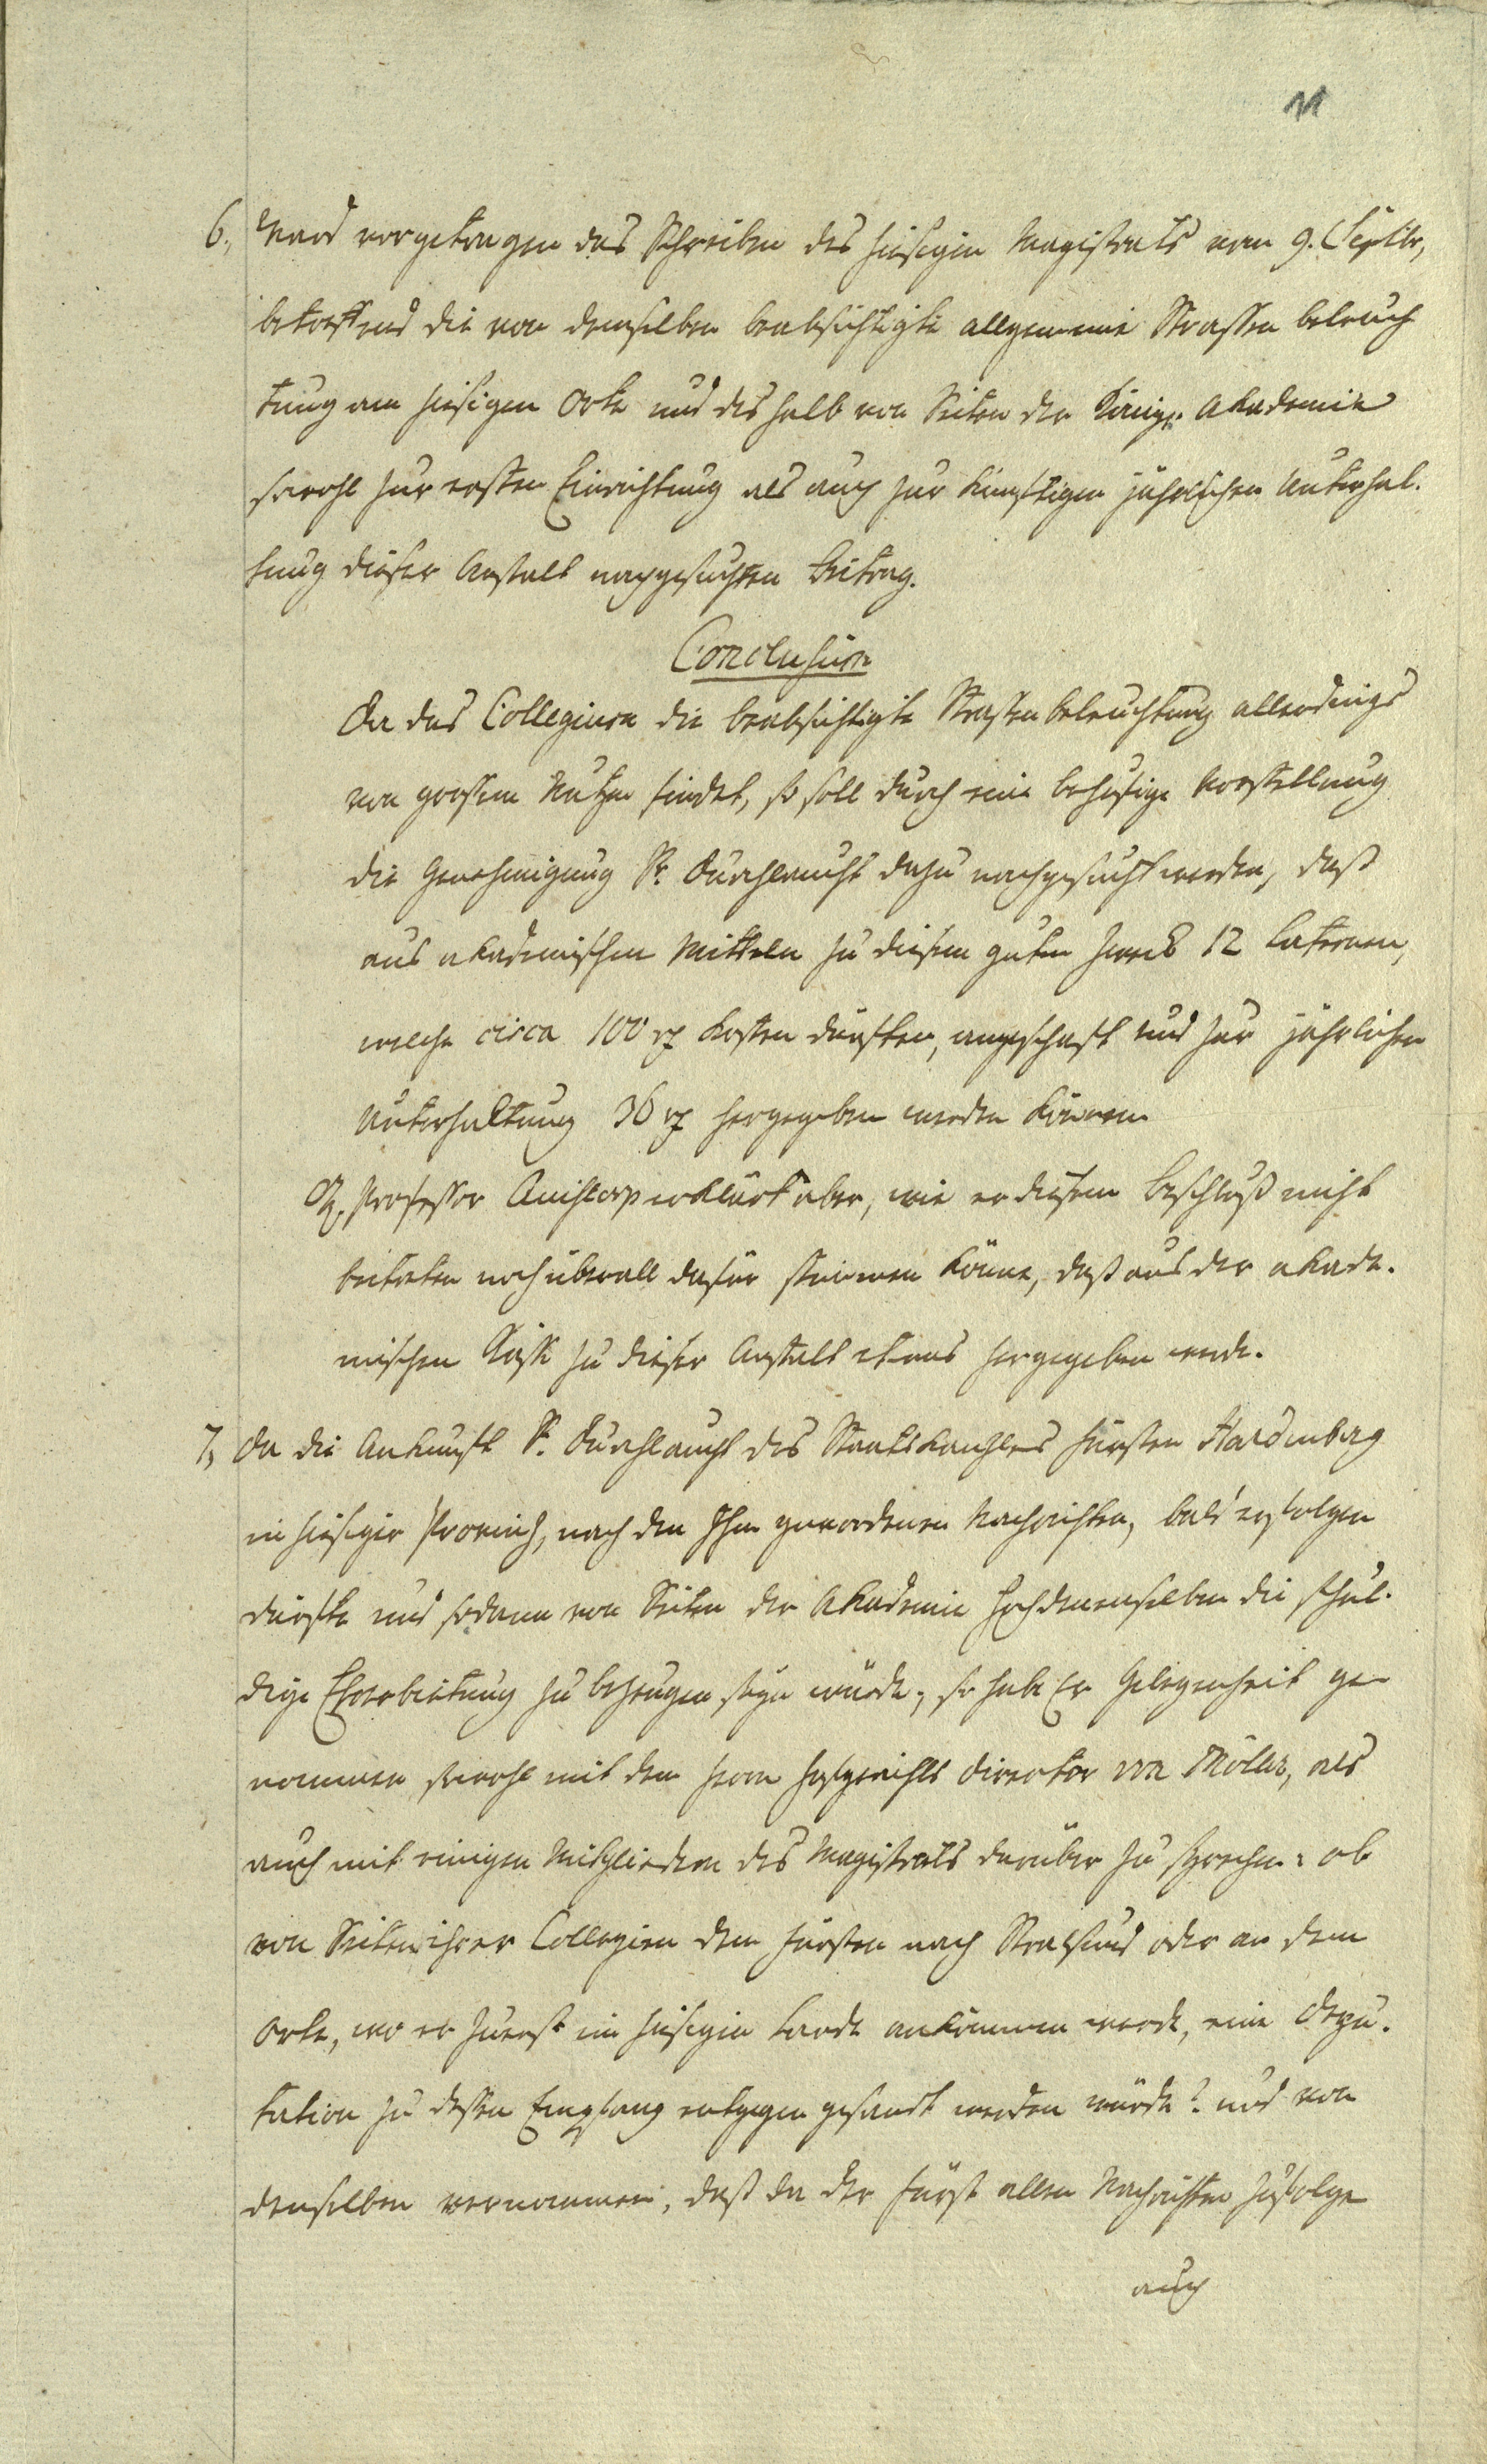6, Ward vorgetragen das Schreiben des hiesigen Magistrats vom 9. Septbr,
betreffend die von demselben beabsichtigte allgemeine Strassen beleuch¬
tung am hiesigen Orte und des halb von Seiten der König Akademie
sowohl zur ersten Einrichtung als auch zur künftigen jährlichen Unterhal¬
tung dieser Anstalt nachgesuchten Beitrag.
Conclusum
Da das Collegium die beabsichtigte Strassenbeleuchtung allerdings
von großem Nutzen findet, so soll durch eine behufige Vorstellung
die Genehmigung Sr Durchlaucht dazu nachgesucht werden, daß
aus akademischen Mitteln zu diesem guten Zweck 12 Laternen,
welche circa 100 rt Kosten dürften, angeschaft und zur jährlichen
Unterhaltung 30 rt hergegeben werden können.
dh. Professor Quistorp erklärt aber, wie er diesem Beschluß nicht
beitreten noch überall dafür stimmen könne, daß aus der akade¬
mischen Kasse zu dieser Anstalt etwas hergegeben werde.
7, Da die Ankunft Sr. Durchlaucht des Staatskanzlers Fürsten Hardenberg
in hiesiger Provinz, nach den Ihm gewordenen Nachrichten, bald erfolgen
dürfte und sodann von Seiten der Akademie Hochdenenselben die schul¬
dige Ehrerbietung zu bezeugen seÿn würde, so habe Er Gelegenheit ge¬
nommen sowohl mit den Herrn Hofgerichts Director von Möller, als
auch mit einigen Mitgliedern des Magistrats darüber zu sprechen: ob
von Seiten ihrer Collegien dem Fürsten nach Stralsund oder an dem
Orte, wo er zuerst im hiesigen Lande ankommen werde, eine Depu¬
tation zu dessen Empfang entgegen gesandt werden würde? und von
denselben vernommen; daß da der Fürst allen Nachrichten zufolge
auch